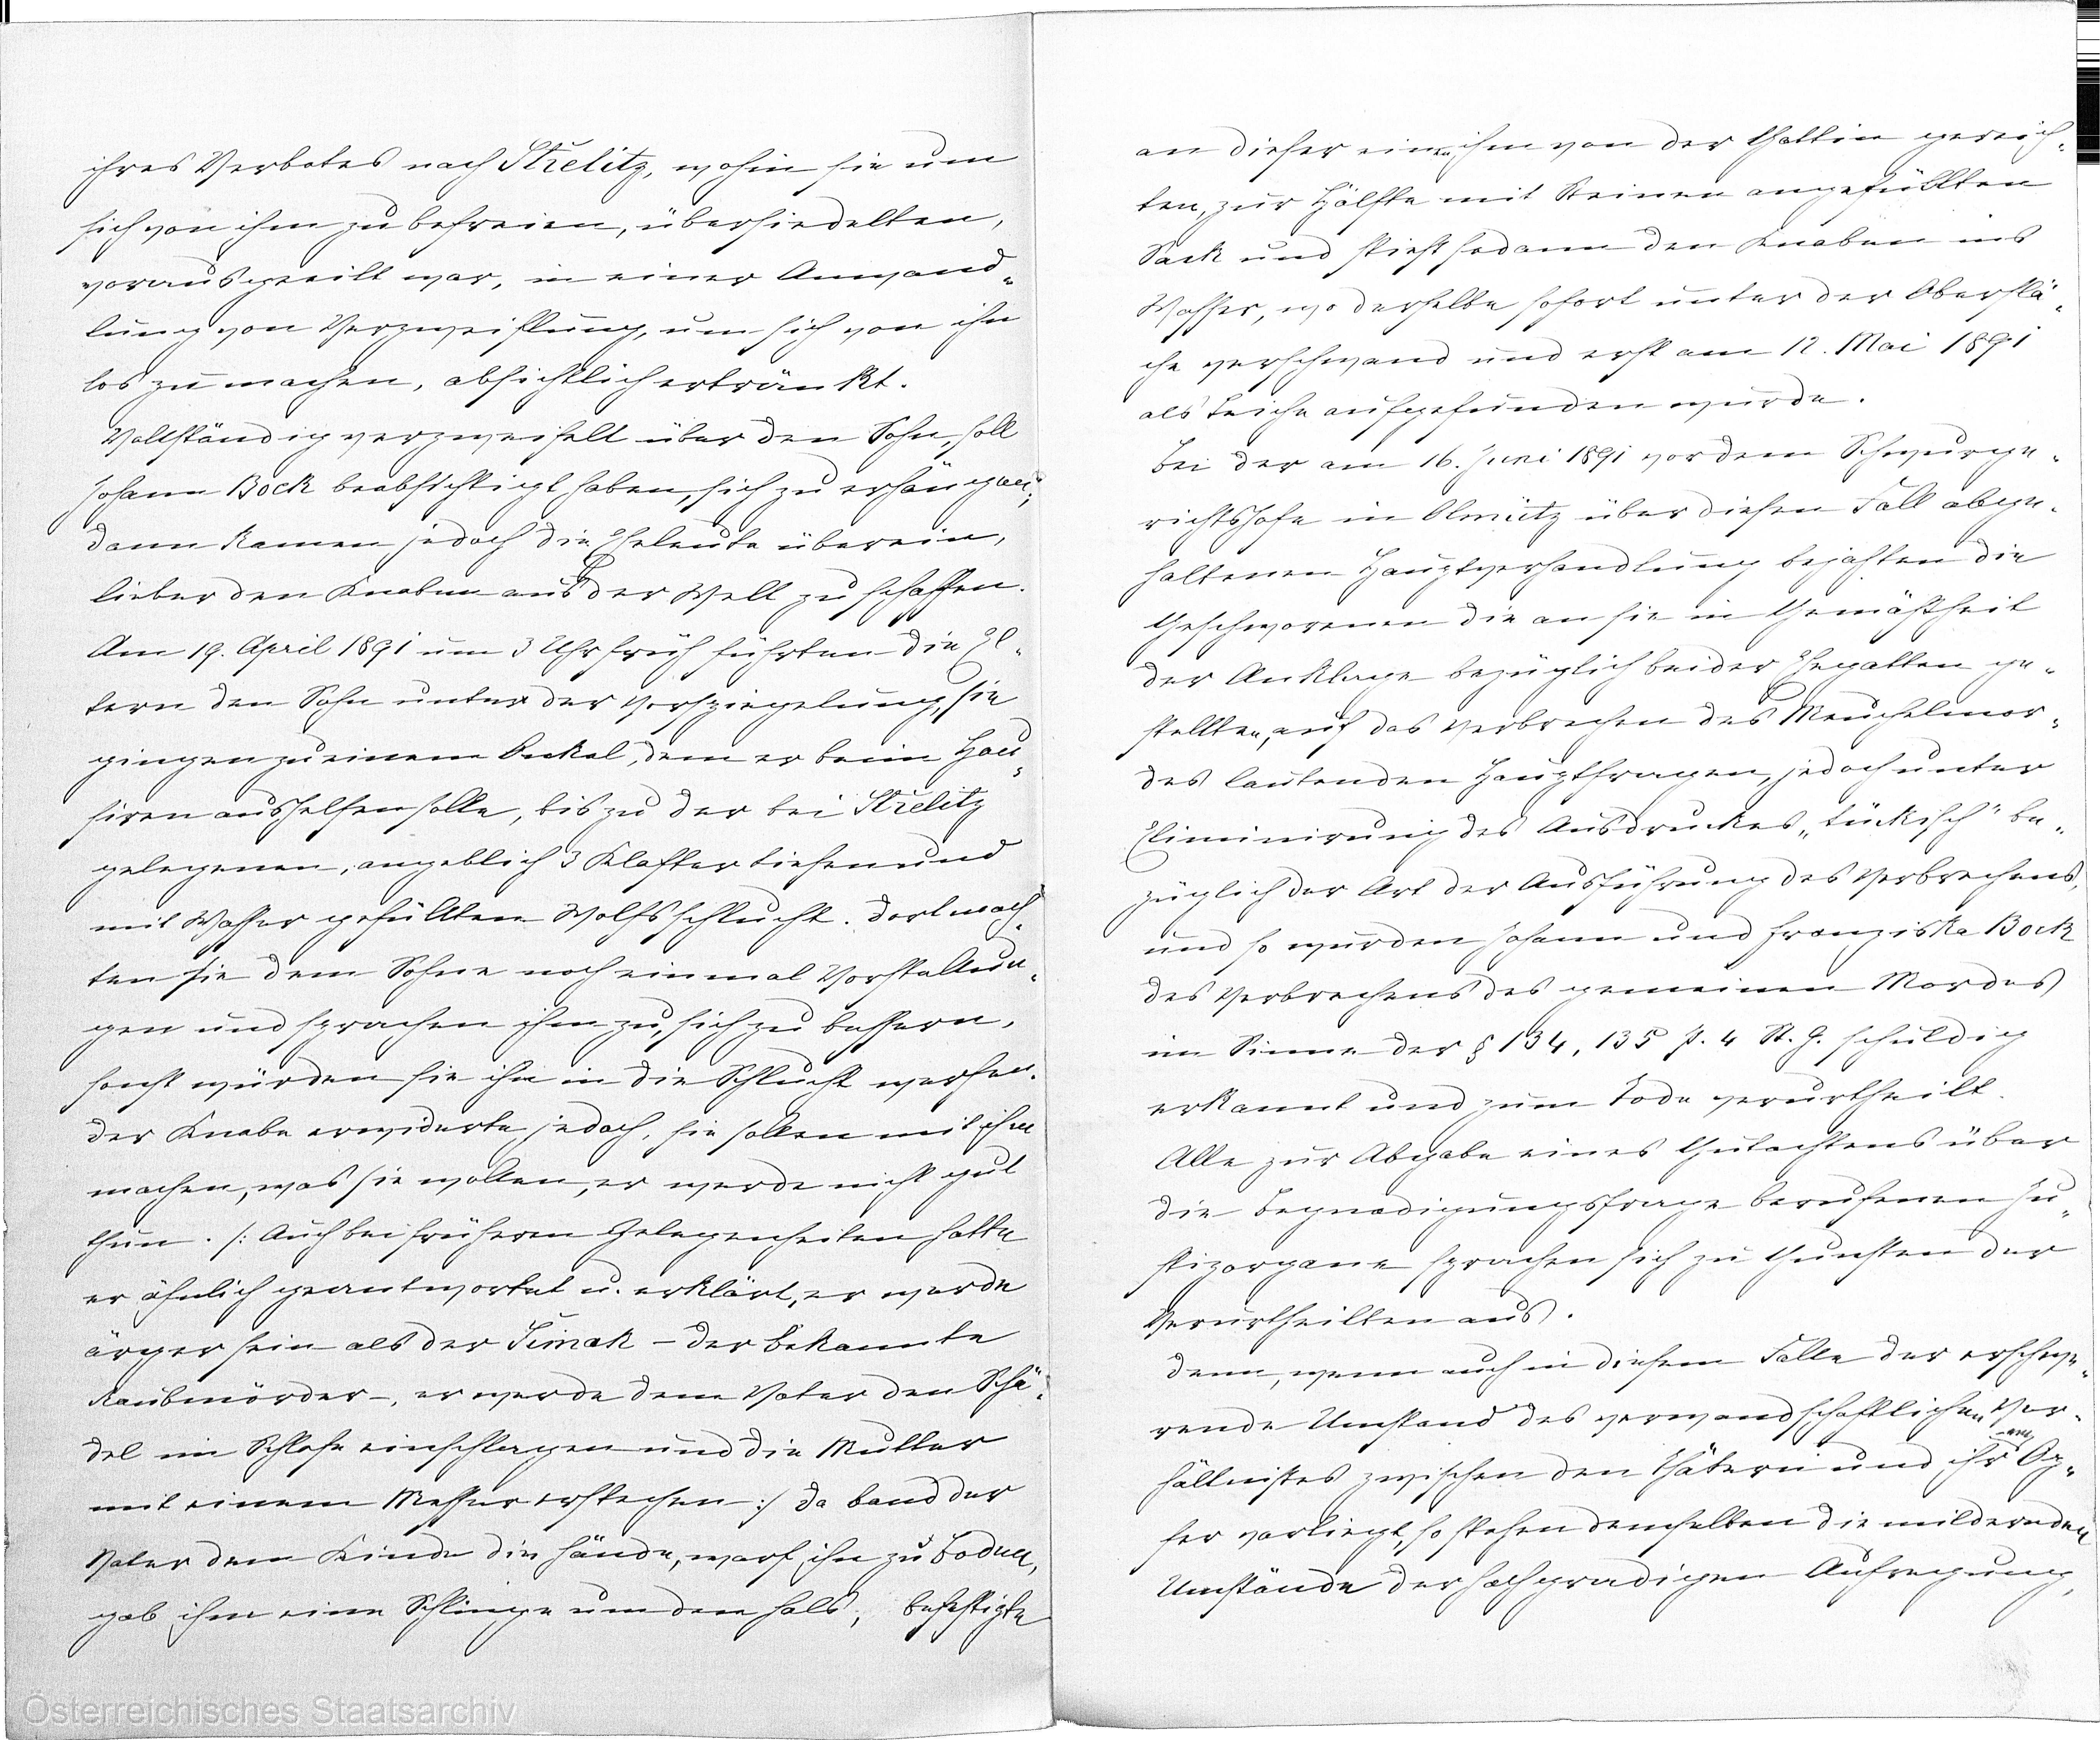ihres Verbotes nach Stielitz, wohin sie um
sich von ihm zu befreien, übersiedelten,
vorausgeeilt war, in einer Anwand¬
lung von Verzweiflung, um sich von ihn
los zu machen, absichtlich ertränkt.
Voltständig verzweifelt, über den Sohn, soll
Johann Bock beabsichtigt haben, sich zu erhängen;
Dann kamen jedoch die Eheleute überein,
lieber den Knaben aus der Welt zu schassen.
Am 19. April 1891 um 3 Uhr früh führten die El¬
tern den Sohn unter der Versziegelung, sie
gingen zu einem Beckel, dem er beim Hau¬
siren aushelfen solle, bis zu der bei Stielitz
gelegenen, angeblich 3 Klafter biehen und
mit Wasser gefüllten Wolfsschucht. Dortmach¬
ten sie dem Sohne noch ein mal Vorstallun¬
gen und szrachen ihm zu, sich zu bassern,
sonst würden sie ihn in die Schucht werfen.
Der Knabe ereviderte jedoch, sie sollten mit ihm
machen, was sie wollen, er werde nicht gut
thun./: Auch bei früheren Gelegenheiten hatte
er ähnlich geantwortet u. erklärt, er werde
ärger sein als der Simak – Der bekannte
Raubmörder -, er werde dem Vater den Schä¬
del im Schlafe einschlagen und die Mutter
mit einem Messererstechen :/ da band der
Vater dem Kinde die hände, warf ihn zu Boden,
gab ihm eine Schlinge um dem Hals, befestigte
an dieser einen ihm von der Gattier gereich¬
ten, zur Hälfte mit Steinen angefüllten
Sack und stiest sodann den Knaben ins
Wasser, wo derselbe sofort unter der Oberflä¬
che verschwand und erst am 12. Mai 1891
als Leiche aufgefunden wurde.
Bei der am 16. Juni 1891 vordem Schwurge¬
richtschofe in Olmütz über diesen Fall Abge¬
haltenen Hauptverhandlung bejahten die
Geschworenen die an sie in Gemästheit
der Anklage bezüglich beider Ehegatten ge¬
stellten, auf das Verbrechen des Meuchelmor¬
des lautenden Hauptfragen, jedoch unter
Eliminierung des Ausdruckes „Tückisch’’ be¬
züglich der Art der Ausführung des Verbrechens,
und so wurden Johann und Franziska Bock
des Verbrechens des gemeinen Mordes
im Sinne der § 134, 135 P. 4 St. G. schuldig
erkannt und zum Tode verurtheilt.
Alle zur Abgebe eines Gutachtens über
die begnadigungsfrage berufenen Zu¬
stizorgane sprachen sich Gunsten der
Verurtheilten aus.
Dem, wenn auch in diesem Falle der erschwe¬
rende Umstand des verwand schaftlichen Ver¬
hältnistes zwischen den Thätern und ihr xxx Oz¬
fer vorliegt, so stehen demselben die mildernden
Umstände der hochgradigen Aufregung,